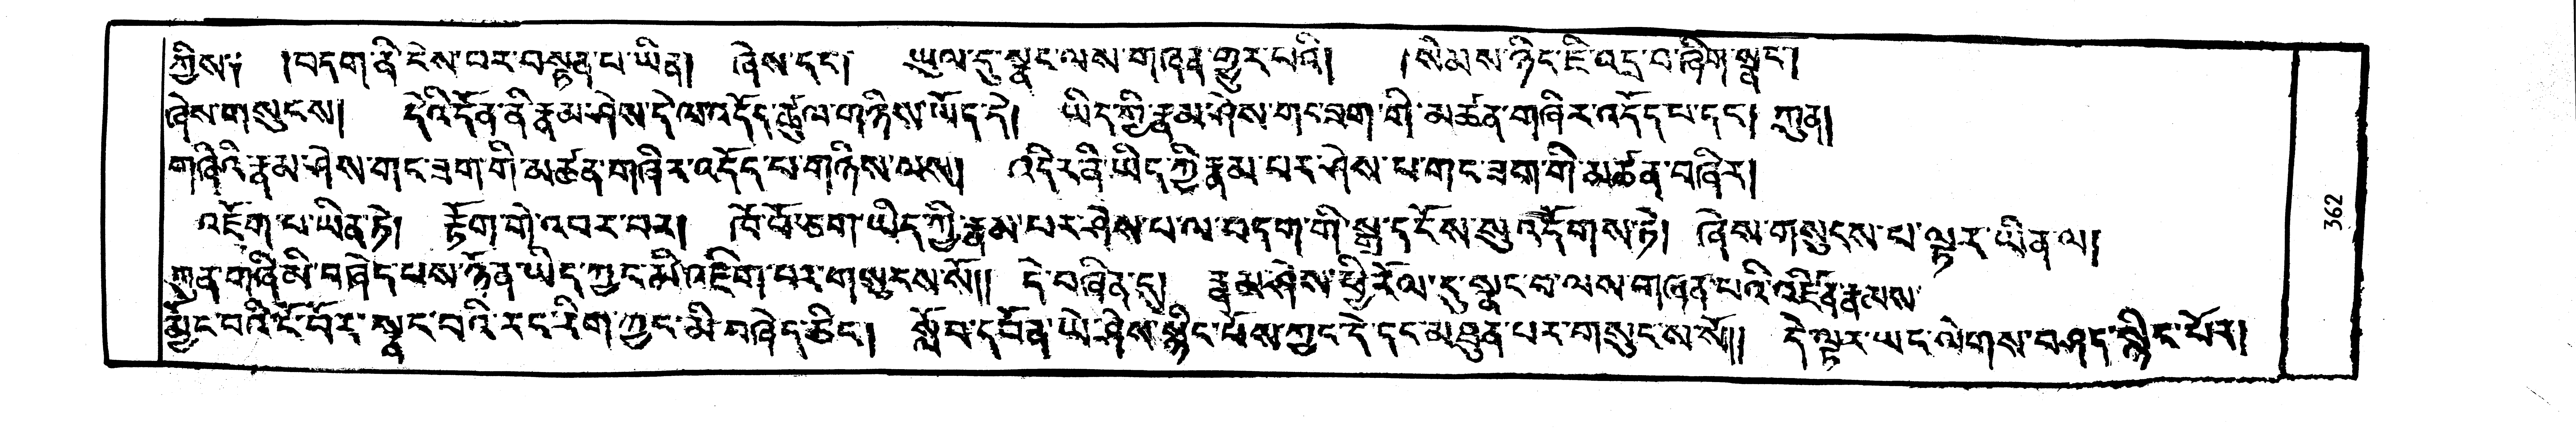ཀྱིས། །བདག་ནི་ངེས་པར་བསྟན་པ་ཡིན། ཞེས་དང་། ཡུལ་དུ་སྣང་ལས་གཞན་གྱུར་པའི། །སེམས་ཉིད་ཇི་འདྲ་བ་ཞིག་སྣང་།
ཞེས་གསུངས། དེའི་དོན་ནི་རྣམ་ཤེས་དེ་ལ་འདོད་ཚུལ་གཉིས་ཡོད་དེ། ཡིད་ཀྱི་རྣམ་ཤེས་གང་ཟག་གི་མཚན་གཞིར་འདོད་པ་དང་། ཀུན།
གཞིའི་རྣམ་ཤེས་གང་ཟག་གི་མཚན་གཞིར་འདོད་པ་གཉིས་ལས། འདིར་ནི་ཡིད་ཀྱི་རྣམ་པར་ཤེས་པ་གང་ཟག་གི་མཚན་བཞིར།
འཇོག་པ་ཡིན་ཏེ། རྟོག་གེ་འབར་བར། ཁོ་བོ་ཅག་ཡིད་ཀྱི་རྣམ་པར་ཤེས་པ་ལ་བདག་གི་སྒྲ་དངོས་སུ་འདོགས་ཏེ། ཞེས་གསུངས་པ་ལྟར་ཡིན་ལ།
ཀུན་གཞི་མི་བཞེད་པས་ཉོན་ཡིད་ཀྱང་མི་འཇིག་པར་གསུངས་སོ། ། དེ་བཞིན་དུ། རྣམ་ཤེས་ཕྱི་རོལ་དུ་སྣང་བ་ལས་གཞན་པའི་འཛིན་རྣམས་
མྱོང་བའི་ངོ་བོར་སྣང་བའི་རང་རིག་ཀྱང་མི་བཞེད་ཅིང་། སློབ་དཔོན་ཡེ་ཤེས་སྙིང་པོས་ཀྱང་དེ་དང་མཐུན་པར་གསུངས་སོ། །དེ་ལྟར་ཡང་ལེགས་བཤད་སྙིང་པོར།